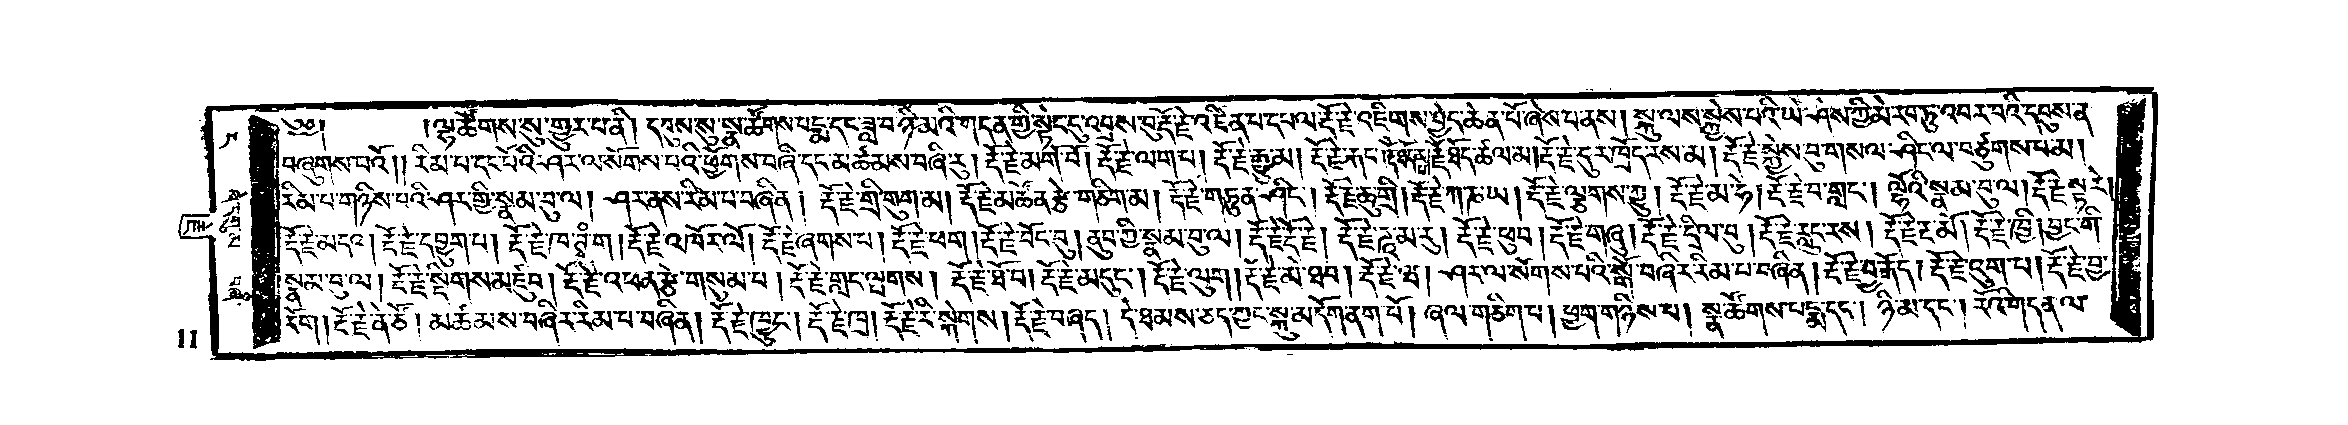༄༅། །ལྷ་ཚོགས་སུ་གྱུར་པ་ནི། དབུས་སུ་སྣ་ཚོགས་པདམ་དང་ཟླ་བ་ཉི་མའི་གདན་གྱི་སྟེང་དུ་འབྲས་བུ་རྡོ་རྗེ་འཛིན་པ་དཔལ་རྡོ་རྗེ་འཇིགས་བྱེད་ཆེན་པོ་ཞེས་པ་ནས། སྐུ་ལས་སྐྱེས་པའི་ཡེ་ཤེས་ཀྱི་མེ་རབ་ཏུ་འབར་བའི་དབུས་ན་
བཞུགས་པའོ། །རིམ་པ་དང་པོའི་ཤར་ལ་སོགས་པའི་ཕྱོགས་བཞི་དང་མཚམས་བཞི་རུ། རྡོ་རྗེ་མགོ་བོ། རྡོ་རྗེ་ལག་པ། རྡོ་རྗེ་རྒྱུ་མ། རྡོ་རྗེ་རྐང་། རྡོ་རྗེ་ཐོད་པ་མ། རྡོ་རྗེ་ཐོད་ཚལ་མ། རྡོ་རྗེ་དུར་ཁྲོད་རས་མ། རྡོ་རྗེ་སྐྱེས་བུ་གསལ་ཤིང་ལ་བཙུགས་པ་མ།
རིམ་པ་གཉིས་པའི་ཤར་གྱི་སྣམ་བུ་ལ། ཤར་ནས་རིམ་པ་བཞིན། རྡོ་རྗེ་གྲི་གུག་མ། རྡོ་རྗེ་མཚོན་རྩེ་གཅིག་མ། རྡོ་རྗེ་གཏུན་ཤིང་། རྡོ་རྗེ་ཆུ་གྲི་།རྡོ་རྗེ་ཀ་ཎ་ཡ། རྡོ་རྗེ་ལྕགས་ཀྱུ། རྡོ་རྗེ་མ་ཧེ། རྡོ་རྗེ་བ་གླང་། ལྷོའི་སྣམ་བུ་ལ། རྡོ་རྗེ་སྟ་རེ།
རྡོ་རྗེ་མདའ། རྡོ་རྗེ་དབྱུག་པ། རྡོ་རྗེ་ཁ་ཊྭཱཾ་ག །རྡོ་རྗེ་འཁོར་ལོ། རྡོ་རྗེ་ཞགས་པ། རྡོ་རྗེ་ཕག །རྡོ་རྗེ་བོང་བུ། ནུབ་ཀྱི་སྣམ་བུ་ལ། རྡོ་རྗེ་རྡོ་རྗེ། རྡོ་རྗེ་ཌཱ་མ་རུ། རྡོ་རྗེ་ཕུབ། རྡོ་རྗེ་གཞུ། རྡོ་རྗེ་དྲིལ་བུ། རྡོ་རྗེ་རླུང་རས། རྡོ་རྗེ་རྔ་མོ། རྡོ་རྗེ་ཁྱི། བྱང་གི་
སྣམ་བུ་ལ། རྡོ་རྗེ་སྡིགས་མཛུབ། རྡོ་རྗེ་འཕན་རྩེ་གསུམ་པ། རྡོ་རྗེ་གླང་ལྤགས། རྡོ་རྗེ་ཐོ་བ། རྡོ་རྗེ་མདུང་། རྡོ་རྗེ་ལུག །རྡོ་རྗེ་མེ་ཐབ། རྡོ་རྗེ་ཝ། ཤར་ལ་སོགས་པའི་སྒོ་བཞིར་རིམ་པ་བཞིན། རྡོ་རྗེ་བྱ་རྒོད། རྡོ་རྗེ་འུག་པ། རྡོ་རྗེ་བྱ་རོག །རྡོ་རྗེ་ནེ་ཙོ། མཚམས་བཞིར་རིམ་པ་བཞིན། རྡོ་རྗེ་ཁྱུང་། རྡོ་རྗེ་ཁྲ། རྡོ་རྗེ་རི་སྐེགས། རྡོ་རྗེ་བཞད། དེ་ཐམས་ཅད་ཀྱང་སྐུ་མདོག་ནག་པོ། ཞལ་གཅིག་པ། ཕྱག་གཉིས་པ། སྣ་ཚོགས་པདམ་དང་། ཉི་མ་དང་། རོའི་གདན་ལ་